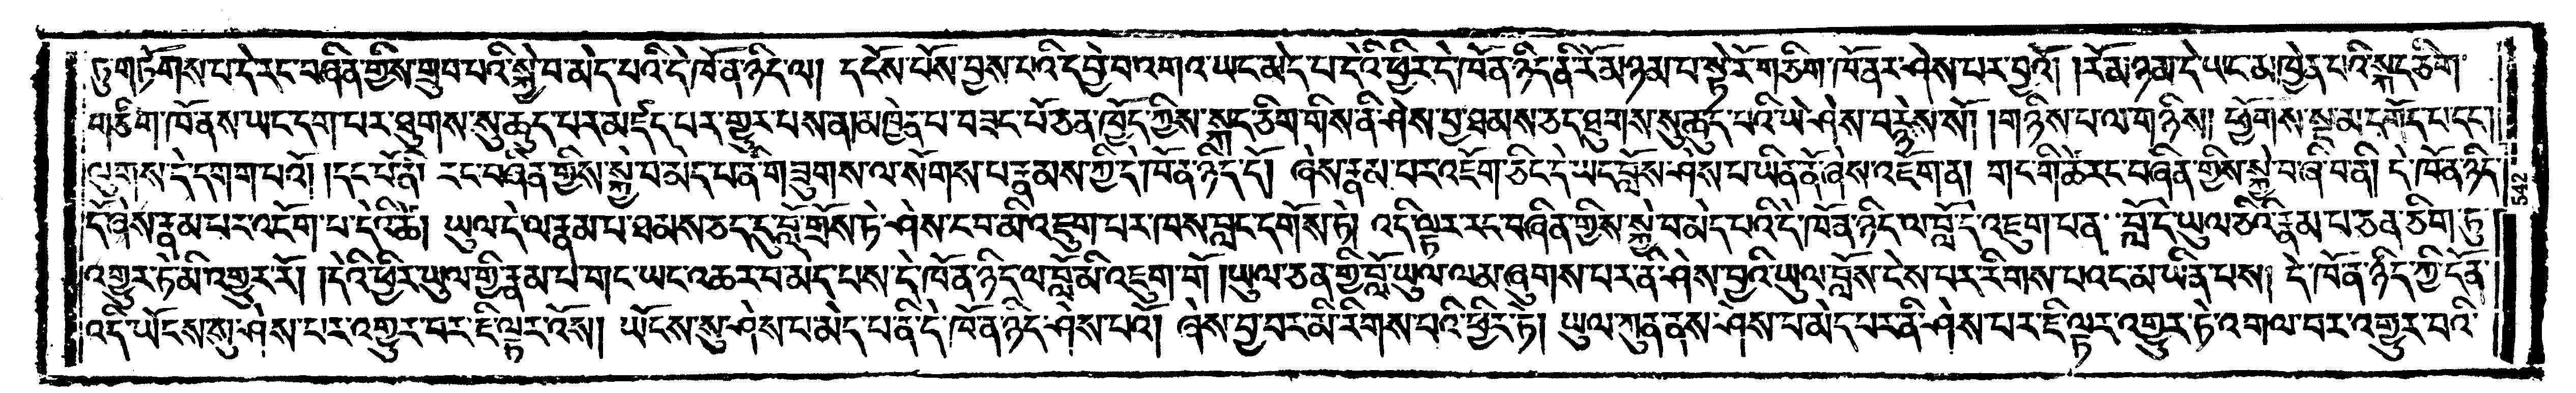ཏུ་གཏོགས་པ་དེ་རང་བཞིན་གྱིས་གྲུབ་པའི་སྐྱེ་བ་མེད་པའི་དེ་ཁོ་ན་ཉིད་ལ། དངོས་པོས་བྱས་པའི་དབྱེ་བ་འགའ་ཡང་མེད་པ་དེའི་ཕྱིར་དེ་ཁོ་ན་ཉིད་ནི་རོ་མཉམ་པ་སྟེ་རོ་གཅིག་ཁོ་ནར་ཤེས་པར་བྱའོ། །རོ་མཉམ་དེ་ཡང་མཁྱེན་པའི་སྐད་ཅིག་
གཅིག་ཁོ་ནས་ཡང་དག་པར་ཐུགས་སུ་ཆུད་པར་མཛད་པར་གྱུར་པས་ན། མཁྱེན་པ་བཟང་པོ་ཅན་ཁྱོད་ཀྱིས་སྐད་ཅིག་གིས་ནི་ཤེས་བྱ་ཐམས་ཅད་ཐུགས་སུ་ཆུད་པའི་ཡེ་ཤེས་བརྙེས་སོ། །གཉིས་པ་ལ་གཉིས། ཕྱོགས་སྔ་མ་དགོད་པ་དང་།
ལུགས་དེ་དགག་པའོ། །དང་པོ་ནི། རང་བཞིན་གྱིས་སྐྱེ་བ་མེད་པ་ནི་གཟུགས་ལ་སོགས་པ་རྣམས་ཀྱི་དེ་ཁོ་ན་ཉིད་དོ། ཞེས་རྣམ་པར་འཇོག་ཅིང་དེ་ཡང་བློས་ཤེས་པ་ཡིན་ནོ་ཞེས་འཇོག་ན། གང་གི་ཚེ་རང་བཞིན་གྱིས་སྐྱེ་བ་ཞི་བ་ནི། དེ་ཁོ་ན་ཉིད་
དོ་ཞེས་རྣམ་པར་འཇོག་པ་དེའི་ཚེ། ཡུལ་དེ་ལ་རྣམ་པ་ཐམས་ཅད་དུ་བློ་གྲོས་ཏེ་ཤེས་རབ་མི་འཇུག་པར་ཁས་བླང་དགོས་ཏེ། འདི་ལྟར་རང་བཞིན་གྱིས་སྐྱེ་བ་མེད་པའི་དེ་ཁོ་ན་ཉིད་ལ་བློ་དེ་འཇུག་པ་ན། བློ་དེ་ཡུལ་ཅིའི་རྣམ་པ་ཅན་ཅིག་ཏུ་
འགྱུར་ཏེ་མི་འགྱུར་རོ། །དེའི་ཕྱིར་ཡུལ་གྱི་རྣམ་པ་གང་ཡང་འཆར་བ་མེད་པས་དེ་ཁོ་ན་ཉིད་ལ་བློ་མི་འཇུག་གོ །ཡུལ་ཅན་གྱི་བློ་ཡུལ་ལ་མ་ཞུགས་པར་ནི་ཤེས་བྱའི་ཡུལ་བློས་ངེས་པར་རིགས་པའང་མ་ཡིན་པས། དེ་ཁོ་ན་ཉིད་ཀྱི་དོན་
འདི་ཡོངས་སུ་ཤེས་པར་འགྱུར་བར་ཇི་ལྟར་འོས། ཡོངས་སུ་ཤེས་པ་མེད་པ་ནི་དེ་ཁོ་ན་ཉིད་ཤེས་པའོ། ཞེས་བྱ་བར་མི་རིགས་པའི་ཕྱིར་ཏེ། ཡུལ་ཀུན་ནས་ཤེས་པ་མེད་པར་ནི་ཤེས་པར་ཇི་ལྟར་འགྱུར་ཏེ་འགལ་བར་འགྱུར་བའི་